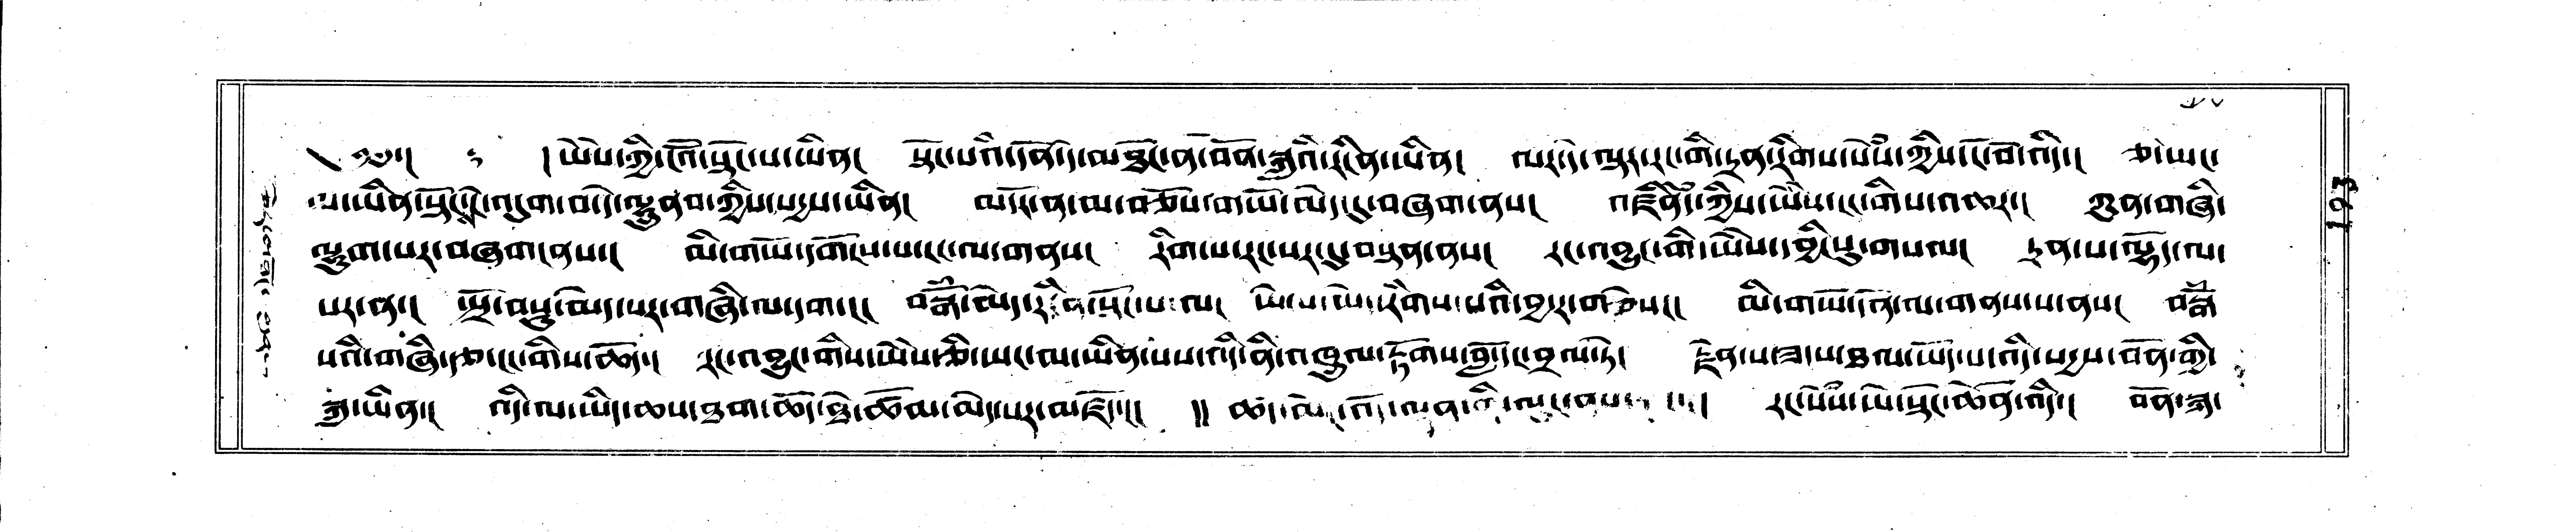ཡེ་ཤེས་ཀྱི་ངོའོ་སྟོང་པ་ཡིན། སྟོང་པའི་དོན་དེ་མཐོང་ན་བོན་སྐུ་རང་ཉིད་ཡིན། ལར་ད་ལྟ་རང་གི་དྲན་རིག་སེམས་ཀྱིས་ངོའོ་འདི། ཅི་ཡང་
མ་ཡིན་སྟོང་སང་ངེ་འདུག་པ་དེ། ལྷུན་གྲུབ་ཀྱིས་སངས་རྒྱས་ཡིན། མདོར་ན་མ་བཅོས་གཡོ་མེད་དུ་བཞག་ན། འཛིན་མེད་ཀྱིས་ཡེ་ཤེས་ངང་གིས་འཆར། ཀུན་གཞི་
ལྷུག་པར་བཞག་ན། མི་གཡོ་པའི་དགོངས་པ་ངང་ལ་གནས། རིག་པ་རང་གསལ་དུ་བསྟན་ན། རང་འབྱུང་གི་ཡེ་ཤེས་དབྱིངས་སུ་གསལ། དྲན་པ་ལྷོད་ལ་
བོར་ན། སྤྲོ་བསྡུ་མེད་པར་གཞི་ལ་དག སྒོམ་མེད་རང་བཞིན་སྟོང་པ་ལ། ཡེང་མེད་རིག་པའི་བྱ་ར་གཅེས། མི་ཡེང་དོན་ལ་གནས་པས་ན། སྒོམ་
པའི་གཞི་རྩ་ངང་གི་ཆོད། རང་འབྱུང་གི་ཡེ་ཤེས་ཅི་ཡང་མ་ཡིན་པ་འདི་ནི། འཁྲུལ་རྟོག་བློ་དང་བྲལ་ཏེ་ རྗེན་པར་ཟང་ཐལ་སལེ་ཡོད་པ་དེ། སངས་རྒྱས་བོན་གྱི་
སྐུ་ཡིན། འདི་ལ་ཡིད་ཆེས་ཐག་ཆོད་ཐེ་ཚོམ་མེད་པར་མཛོད། ཚད་མེད་འོད་ལྡན་གྱི་ལུང་ནས་ཀྱང་། རང་སེམས་ཡེ་སྟོང་ཆེན་པོ་འདི། བོན་སྐུ་